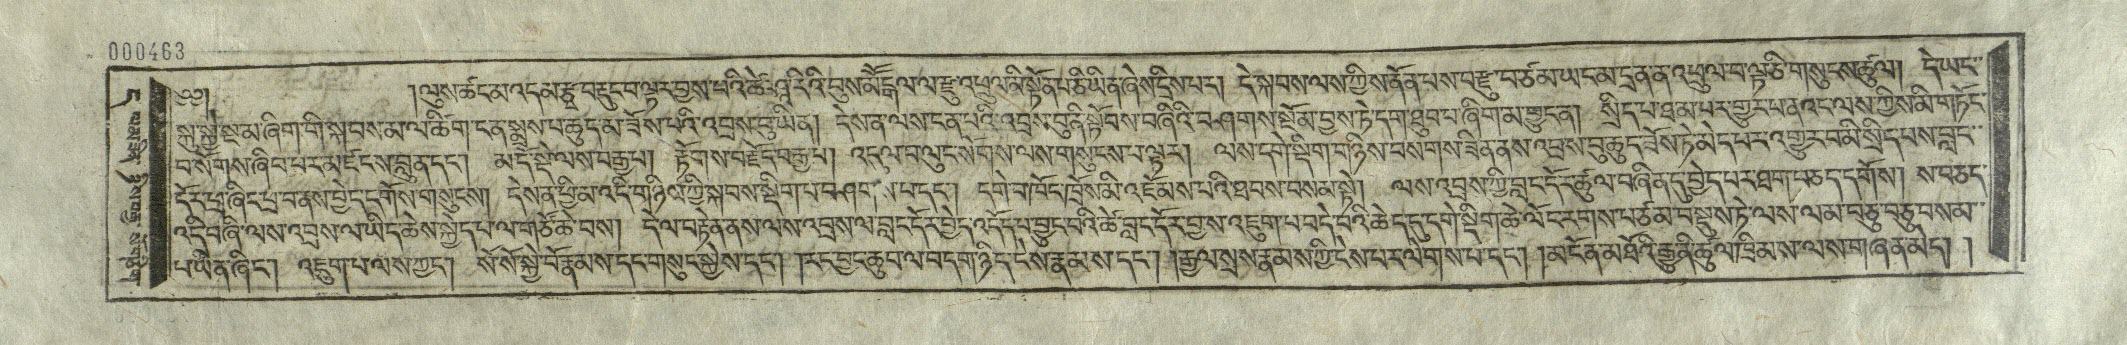༄༅། །ལུས་ཚང་མ་འདམ་རྩྭ་བརྡུང་བ་ལྟར་བྱས་པའི་ཚེ་ཤཱ་རིའི་བུས་མཽངྒལ་ལ་རྫུ་འཕྲུལ་མི་སྟོན་པ་ཅི་ཡིན་ཞེས་དྲིས་པར། དེ་སྐབས་ལས་ཀྱིས་ནོན་པས་བརྫུ་བ་ཙམ་ཡང་མ་དྲན་ན་འཕྲུལ་བ་ལྟ་ཅི་གསུངས་ཚུལ། དེ་ཡང་
སྐུ་སྐྱེ་སྔ་མ་ཞིག་གི་སྐབས་མ་ལ་ཚིག་ངན་སྨྲས་པ་ཆུད་མ་ཟོས་པའི་འབྲས་བུ་ཡིན། དེས་ན་ལས་ངན་པའི་འབྲས་བུ་ནི་སྟོབས་བཞིའི་བཤགས་སྡོམ་བྱས་ཏེ་དག་ཐུབ་པ་ཞིག་མ་བྱུང་ན། སྲིད་པ་ཐ་མ་པར་གྱུར་པ་ནའང་ལས་ཀྱིས་མི་གཏོང་
བ་སོགས་ཞིབ་པར་མཛངས་བླུན་དང་། མདོ་སྡེ་ལས་བརྒྱ་པ། རྟོགས་བརྗོད་བརྒྱ་པ། འདུལ་བ་ལུང་སོགས་ལས་གསུངས་པ་ལྟར། ལས་དགེ་སྡིག་གཉིས་བསགས་ཟིན་ནས་འབྲས་བུ་ཆུད་ཟོས་ཏེ་མེད་པར་འགྱུར་བ་མི་སྲིད་པས་བླང་
དོར་ཕྲ་ཞིང་ཕྲ་བ་ནས་བྱེད་དགོས་གསུངས། དེས་ན་ཕྱི་མ་འདི་གཉིས་ཀྱི་སྐབས་སྡིག་པ་བཤགས་པ་དང་། དགེ་བ་ཁོང་ཁྲོས་མི་འཇོམས་པའི་ཐབས་བསམ་སྟེ། ལས་འབྲས་ཀྱི་བླང་དོར་ཚུལ་བཞིན་དུ་བྱེད་པར་ཐག་བཅད་དགོས། ས་བཅད་
འདི་བཞི་ལས་འབྲས་ལ་ཡིད་ཆེས་སྐྱེད་པ་ལ་གཙོ་ཆེ་བས། དེ་ལ་བརྟེན་ནས་ལས་འབྲས་ལ་བླང་དོར་བྱེད་འདོད་པ་བྱུང་བའི་ཚེ་བླང་དོར་བྱ་ས་འཇུག་པ་བདེ་བའི་ཆེད་དུ་དགེ་སྡིག་ཆེ་ལོང་རགས་པ་ཙམ་བསྡུས་ཏེ་ལས་ལམ་བཅུ་བཅུ་བསམ་
པ་ཡིན་ཞིང་། འཇུག་པ་ལས་ཀྱང་། སོ་སོ་སྐྱེ་བོ་རྣམས་དང་གསུང་སྐྱེས་དང་། །རང་བྱང་ཆུབ་ལ་བདག་ཉིད་ངེས་རྣམས་དང་། །རྒྱལ་སྲས་རྣམས་ཀྱི་ངེས་པར་ལེགས་པ་དང་། །མངོན་མཐོའི་རྒྱུ་ནི་ཚུལ་ཁྲིམས་ལས་གཞན་མེད། །